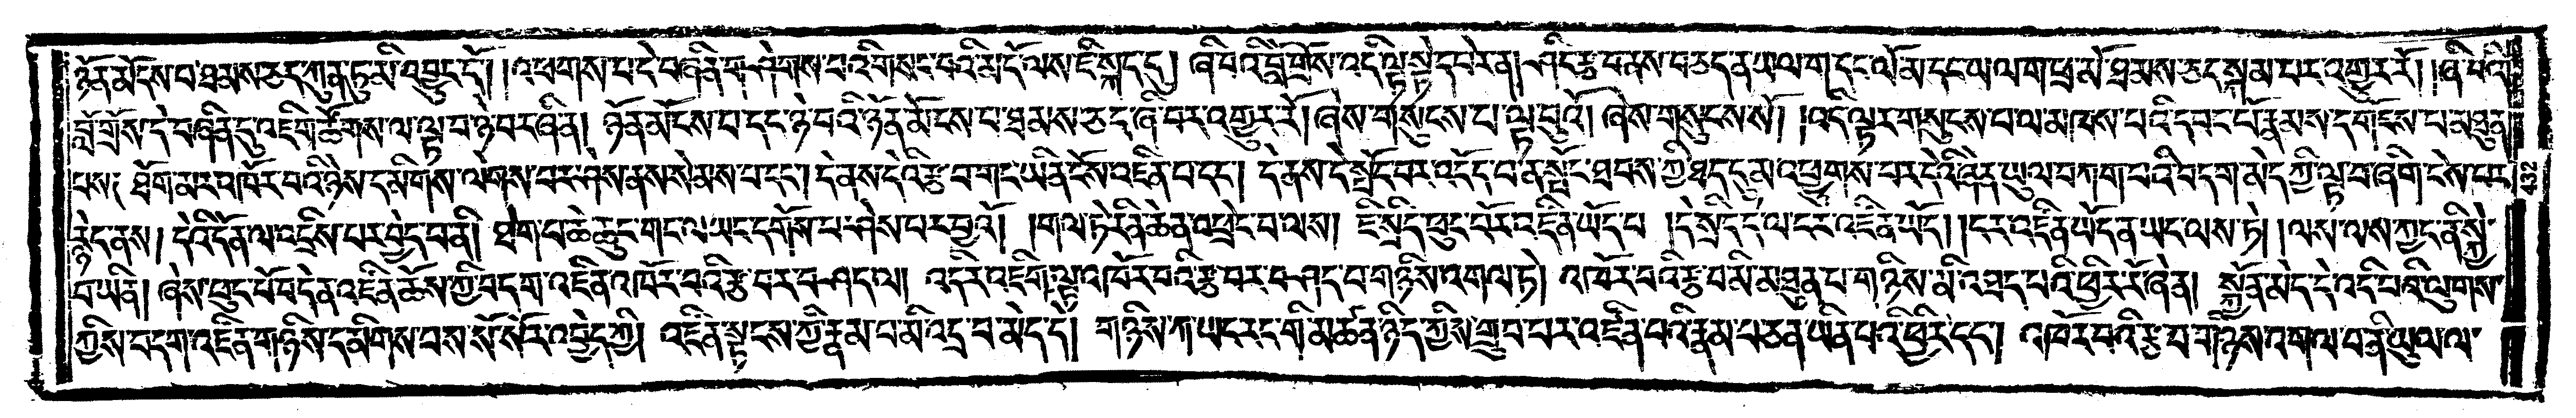ཉོན་མོངས་པ་ཐམས་ཅད་ཀུན་ཏུ་མི་འབྱུང་ངོ། །འཕགས་པ་དེ་བཞིན་གཤེགས་པའི་གསང་བའི་མདོ་ལས་ཇི་སྐད་དུ། ཞི་བའི་བློ་གྲོས་འདི་ལྟ་སྟེ་དཔེར་ན། ཤིང་རྩ་བ་ནས་བཅད་ན་ཡལ་ག་དང་ལོ་མ་དང་ཡལ་ག་ཕྲ་མོ་ཐམས་ཅད་སྐམ་པར་འགྱུར་རོ། །ཞི་བའི་
བློ་གྲོས་དེ་བཞིན་དུ་འཇིག་ཚོགས་ལ་ལྟ་བ་ཉེ་བར་ཞི་ན། ཉོན་མོངས་པ་དང་ཉེ་བའི་ཉོན་མོངས་པ་ཐམས་ཅད་ཞི་བར་འགྱུར་རོ། ཞེས་གསུངས་པ་ལྟ་བུའོ། ཞེས་གསུངས་སོ། །འདི་ལྟར་གསུངས་པ་ལ་མཁས་པའི་དབང་པོ་རྣམས་དགོངས་པ་མཐུན་
པས༑ ཐོག་མར་འཁོར་བའི་ཉེས་དམིགས་ལེགས་པར་ཤེས་ནས་སེམས་པ་དང་། དེ་ནས་དེའི་རྩ་བ་གང་ཡིན་ངོས་འཛིན་པ་དང་། དེ་ནས་དེ་སྤོང་བར་འདོད་པ་ན་སྤོང་ཐབས་ཀྱི་ཐད་དུ་མ་འཕྱུགས་པར་དེའི་ཞེན་ཡུལ་བཀག་པའི་བདག་མེད་ཀྱི་ལྟ་བ་ཞིག་ངེས་པར་
རྙེད་ནས། དེའི་དོན་ལ་འདྲིས་པར་བྱེད་པ་ནི། ཐེག་པ་ཆེ་ཆུང་གང་ལ་ཡང་དགོས་པ་ཤེས་པར་བྱའོ། །གལ་ཏེ་རིན་ཆེན་འཕྲེང་བ་ལས། ཇི་སྲིད་ཕུང་པོར་འཛིན་ཡོད་པ། །དེ་སྲིད་དེ་ལ་ངར་འཛིན་ཡོད། །ངར་འཛིན་ཡོད་ན་ཡང་ལས་ཏེ། །ལས་ལས་ཀྱང་ནི་སྐྱེ་
བ་ཡིན། ཞེས་ཕུང་པོ་བདེན་འཛིན་ཆོས་ཀྱི་བདག་འཛིན་འཁོར་བའི་རྩ་བར་བཤད་ལ། འདིར་འཇིག་ལྟ་འཁོར་བའི་རྩ་བར་བཤད་པ་གཉིས་འགལ་ཏེ། འཁོར་བའི་རྩ་བ་མི་མཐུན་པ་གཉིས་མི་འཐད་པའི་ཕྱིར་རོ་ཞེ་ན། སྐྱོན་མེད་དེ་འདི་པའི་ལུགས་
ཀྱིས་བདག་འཛིན་གཉིས་དམིགས་པས་སོ་སོར་འབྱེད་ཀྱི། འཛིན་སྟངས་ཀྱི་རྣམ་པ་མི་འདྲ་བ་མེད་དེ། གཉིས་ཀ་ཡང་རང་གི་མཚན་ཉིད་ཀྱིས་གྲུབ་པར་འཛིན་པའི་རྣམ་པ་ཅན་ཡིན་པའི་ཕྱིར་དང་། འཁོར་བའི་རྩ་བ་གཉིས་འགལ་བ་ན་ཡུལ་ལ་